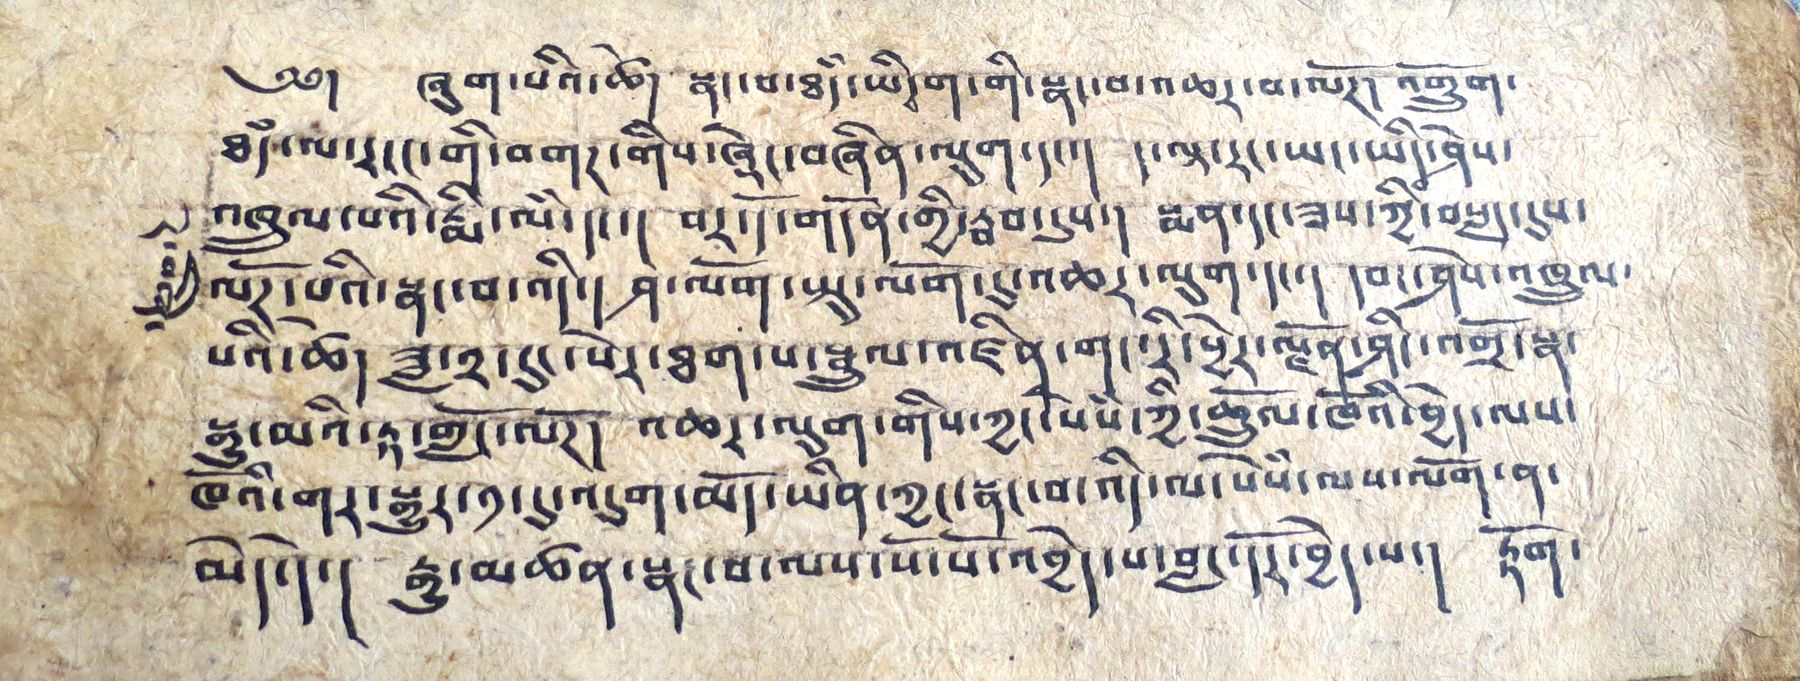ཞུགས་པའི་ཚེ། སྣང་བ་ཐམས་ཅད་ཡི་དྭགས་ཀྱི་སྣང་བ་ལ་སོགས་འགྲོ་དྲུག་
ཐམས་ཅད་རང་རང་གི་བག་ཆགས་ཀྱི་ཞེན་སྣང་བཞིན་འཆར་ལུགས་དང་། ད་ལྟ་རང་ཡང་ཡིད་ཤེས་
འཁྲུལ་པའི་རྨི་ལམ་དང་། བར་དོ་དང་། གདོན་གྱིས་བརླམས་དུས་དང་། སྨན་དང་ཟས་ཀྱིས་བསླད་དུས་
ལ་སོགས་ལ། སྣང་བ་འདི་ཤ་ལོག་སྤུ་ལོག་ཏུ་འཆར་ལུགས་དང་། དབང་ཤེས་འཁྲུལ་
པའི་ཚེ་ཟླ་གཉིས་དུང་སེར་ཐག་པ་སྦྲུལ་འཛིན་གངས་རི་གསེར་ལྗོན་ཤིང་འགྲོ་སྣང་
སྒྱུ་མའི་རྟ་གླང་ལ་སོགས་སུ་འཆར་ལུགས་ཀྱིས་ཀྱང་སེམས་ཀྱི་ཆོ་འཕྲུལ་ཁོའི་བྱེད་ལས། 
ཁོའི་གར་བསྒྱུར་ཞིག་ཏུ་འདུག་མོད། ཡིན་ཀྱང་སྣང་བ་འདི་ལས་ལོགས་ན་
མེད་དེ། རྒྱུ་མཚན་སྣང་བ་སོ་སོར་འབྱེད་པ། བླང་དོར་བྱེད་པ། རྟོག་